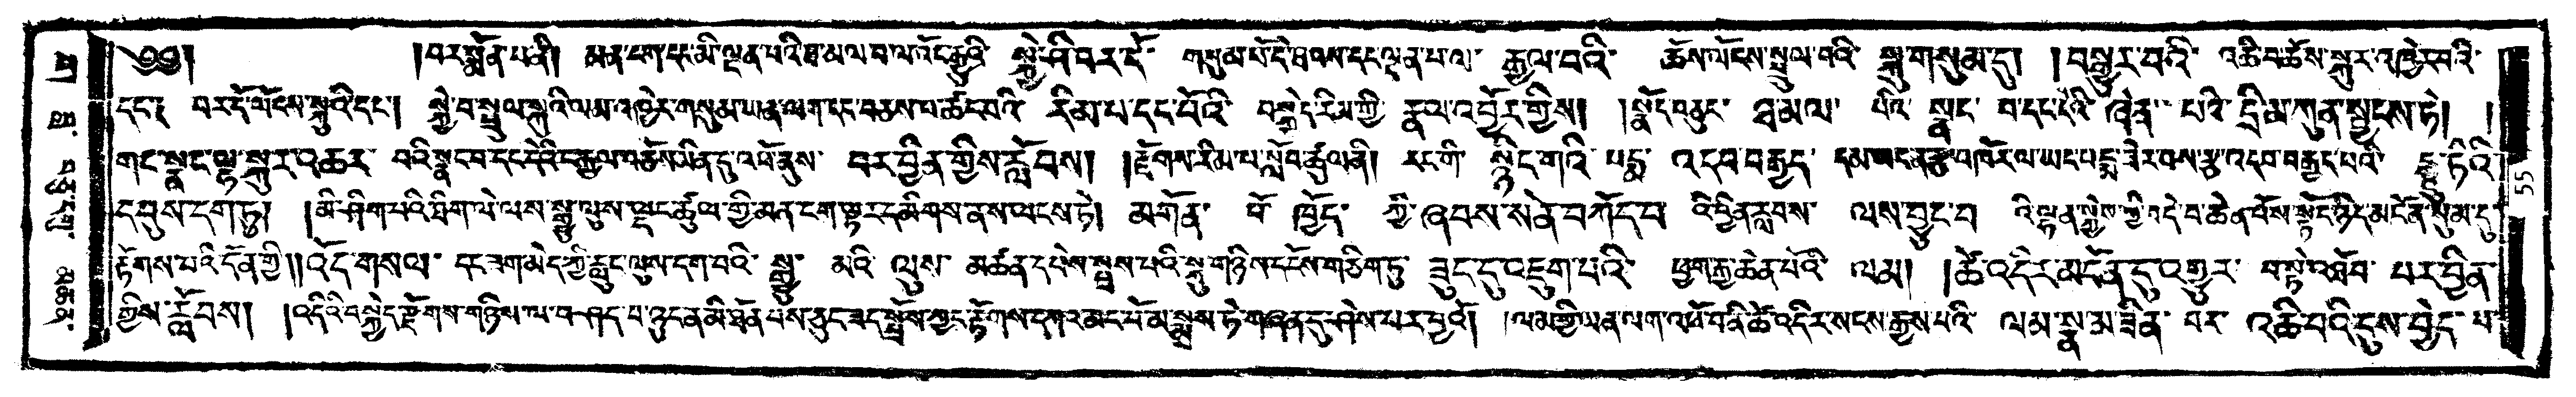༄༅། །བར་སྨོན་པ་ནི། མན་ངག་དང་མི་ལྡན་པའི་ཐ་མལ་བ་ལ་འོང་རྒྱུའི་སྐྱེ་ཤི་བར་དོ་གསུམ་པོ་དེ་ཐབས་དང་ལྡན་པ་ལ་རྒྱལ་བའི་ཆོས་ལོངས་སྤྲུལ་བའི་སྐུ་གསུམ་དུ། །བསྒྱུར་བའི་འཆི་བ་ཆོས་སྐུར་འཁྱེར་བའི་
དང༑ བར་དོ་ལོངས་སྐུའི་དང་། སྐྱེ་བ་སྤྲུལ་སྐུའི་ལམ་འཁྱེར་གསུམ་ཡན་ལག་དང་བཅས་པ་ཚང་བའི་རིམ་པ་དང་པོའི་བསྐྱེད་རིམ་གྱི་རྣལ་འབྱོར་གྱིས། །སྣོད་བཅུང་ཐ་མལ་པའི་སྣང་བ་དང་དེའི་ཞེན་པའི་དྲི་མ་ཀུན་སྦྱངས་ཏེ། །
གང་སྣང་ལྷ་སྐུར་འཆར་བའི་སྣང་བ་དང་དེའི་ང་རྒྱལ་བཅོས་ཡིན་དུ་འཕོ་ནུས་བར་བྱིན་གྱིས་རློབས། །རྫོགས་རིམ་པ་སློབ་ཚུལ་ནི། རང་གི་སྙིང་གའི་པདམ་འདབ་བརྒྱད་དམ་ཡང་ན་རྩ་འཁོར་ལ་ཡང་པདམ་ཟེར་བས་རྩ་འདབ་བརྒྱད་པའི་དྷཱུ་ཏིའི་
དབུས་དག་ཏུ། །མི་ཤིག་བའི་ཐིག་ལེ་ལས་སྒྱུ་ལུས་ལྡང་ཚུལ་གྱི་མན་ངག་ལྟར་དམིགས་ནས་ལངས་ཏེ། མགོན་པོ་ཁྱོད་ཀྱི་ཞབས་སེན་བཀོད་པའི་བྱིན་རླབས་ལས་བྱུང་བའི་ལྷན་སྐྱེས་ཀྱི་འདེ་བ་ཆེན་པོས་སྟོང་ཉིད་མངོན་སུམ་དུ་
རྟོགས་པའི་དོན་གྱི། །འོད་གསལ་དང་ཟག་མེད་ཀྱི་རླུང་ལུས་དག་པའི་སྒྱུ་མའི་ལུས་མཚན་དཔེས་སྤྲས་པའི་སྐུ་གཉིས་དངོས་གཅིག་ཏུ་ཟུང་དུ་འཇུག་པའི་ཕྱག་རྒྱ་ཆེན་པོའི་ལམ། །ཚེ་འདིར་མངོན་དུ་འགྱུར་བ་སྟེ་འཐོབ་པར་བྱིན་
གྱིས་རློབས། །འདིའི་བསྐྱེད་རྫོགས་གཉིས་ལ་བཤད་པ་ཉུང་ན་མི་ཐོན་པས་ཅུང་ཟད་སྤྲོས་ཀྱང་རྟོགས་དཀའ་མང་པོ་མ་སྨྲས་ཏེ་གཞན་དུ་ཤེས་པར་བྱའོ། ལམ་གྱི་ཡན་ལག་འཕོ་བ་ནི་ཚེ་འདིར་སངས་རྒྱས་པའི་ལམ་སྣ་མ་ཟིན་པར་འཆི་བའི་དུས་བྱེད་པ་